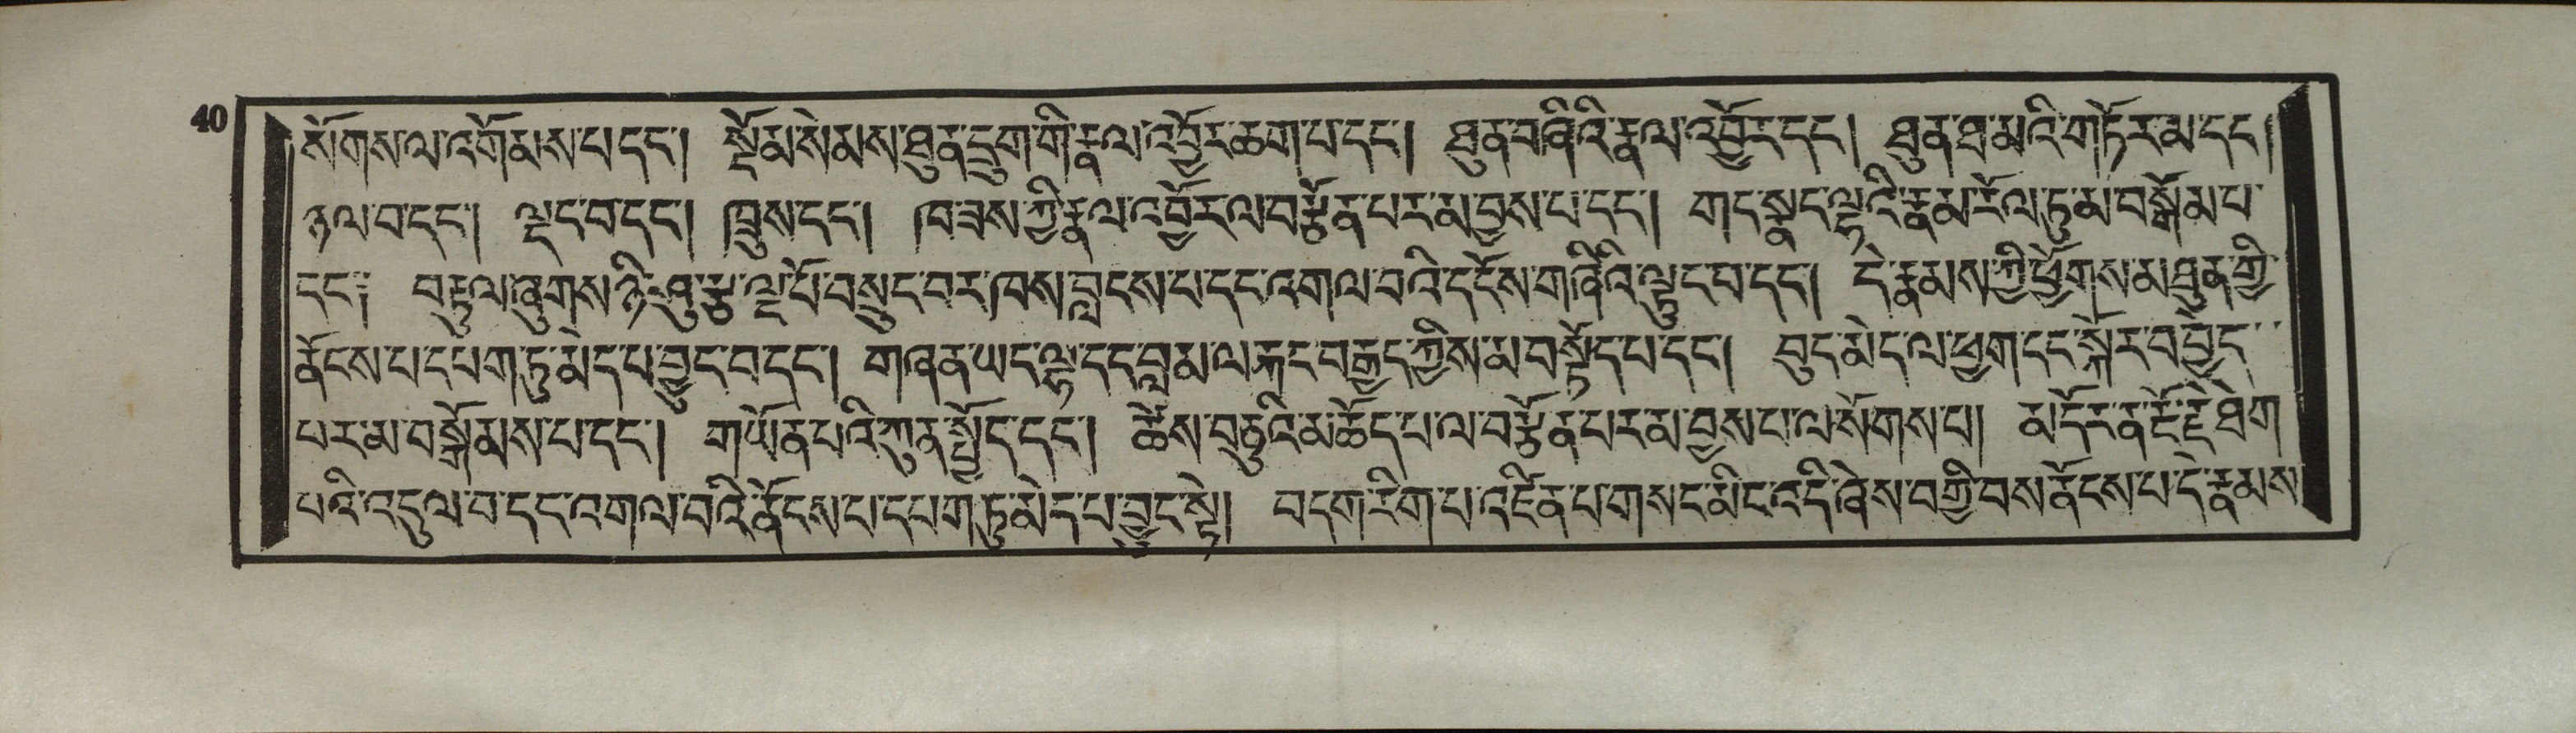སོགས་ལ་འགོམས་པ་དང་། སྡོམ་སེམས་ཐུན་དྲུག་གི་རྣལ་འབྱོར་ཆག་པ་དང་། ཐུན་བཞིའི་རྣལ་འབྱོར་དང་། ཐུན་ཐ་མའི་གཏོར་མ་དང་།
ཉལ་བ་དང་། ལྡང་བ་དང་། ཁྲུས་དང་། ཁ་ཟས་ཀྱི་རྣལ་འབྱོར་ལ་བརྩོན་པར་མ་བྱས་པ་དང་། གང་སྣང་ལྷའི་རྣམ་རོལ་ཏུ་མ་བསྒོམ་པ་
དང༑ བརྟུལ་ཞུགས་ཉི་ཤུ་རྩ་ལྔ་པོ་བསྲུང་བར་ཁས་བླངས་པ་དང་འགལ་པའི་དངོས་གཞིའི་ལྟུང་བ་དང་། དེ་རྣམས་ཀྱི་ཕྱོགས་མཐུན་གྱི་
ནོངས་པ་དཔག་ཏུ་མེད་པ་བྱུང་བ་དང་། གཞན་ཡང་ལྷ་དང་བླ་མ་ལ་རྐང་བརྒྱད་ཀྱིས་མ་བསྟོད་པ་དང་། བུད་མེད་ལ་ཕྱག་དང་སྐོར་བ་བྱེད་
པར་མ་བསྒོམས་པ་དང་། གཡོན་པའི་ཀུན་སྤྱོད་དང་། ཚེས་བཅུའི་མཆོད་པ་ལ་བརྩོན་པར་མ་བྱས་པ་ལ་སོགས་པ། མདོར་ན་རྡོ་རྗེ་ཐེག་
པའི་འདུལ་བ་དང་འགལ་བའི་ནོངས་པ་དཔག་ཏུ་མེད་པ་བྱུང་སྟེ། བདག་རིག་པ་འཛིན་པ་གསང་མིང་འདི་ཞེས་བགྱི་བས་ནོངས་པ་དེ་རྣམས་